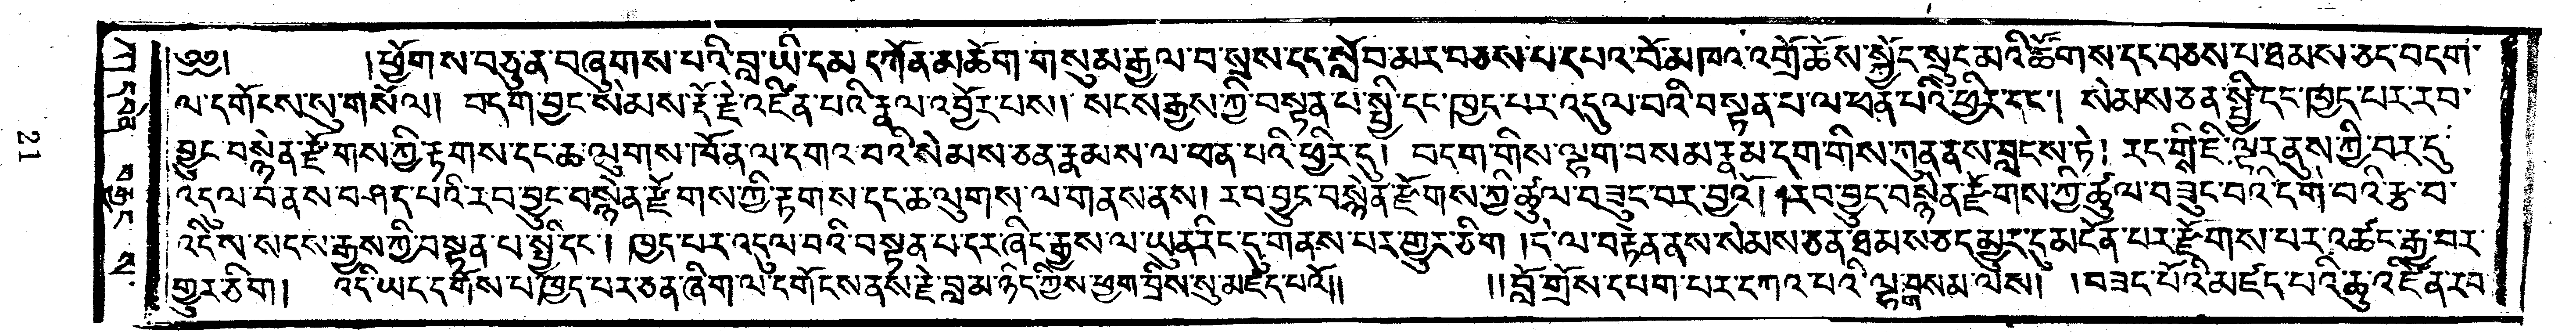༄༅། །ཕྱོགས་བཅུ་ན་བཞུགས་པའི་བླ་ཡི་དམ་དཀོན་མཆོག་གསུམ་རྒྱལ་བ་སྲས་དང་སློབ་མར་བཅས་པ་དཔའ་བོ་མཁའ་འགྲོ་ཆོས་སྐྱོང་སྲུང་མའི་ཚོགས་དང་བཅས་པ་ཐམས་ཅད་བདག་
ལ་དགོངས་སུ་གསོལ། བདག་བྱང་སེམས་རྡོ་རྗེ་འཛིན་པའི་རྣལ་འབྱོར་པས། སངས་རྒྱས་ཀྱི་བསྟན་པ་སྤྱི་དང་ཁྱད་པར་འདུལ་བའི་བསྟན་པ་ལ་ཕན་པའི་ཕྱིར་དང་། སེམས་ཅན་སྤྱི་དང་ཁྱད་པར་རབ་
བྱུང་བསྙེན་རྫོགས་ཀྱི་རྟགས་དང་ཆ་ལུགས་ཁོ་ན་ལ་དགའ་བའི་སེམས་ཅན་རྣམས་ལ་ཕན་པའི་ཕྱིར་དུ། བདག་གིས་ལྷག་བསམ་རྣམ་དག་གིས་ཀུན་ནས་བླངས་ཏེ། རང་གིས་ཇི་ལྟར་ནུས་ཀྱི་བར་དུ་
འདུལ་བ་ནས་བཤད་པའི་རབ་བྱུང་བསྙེན་རྫོགས་ཀྱི་རྟགས་དང་ཆ་ལུགས་ལ་གནས་ནས། རབ་བྱུང་བསྙེན་རྫོགས་ཀྱི་ཚུལ་བཟུང་བར་བྱའོ། །རབ་བྱུང་བསྙེན་རྫོགས་ཀྱི་ཚུལ་བཟུང་བའི་དགེ་བའི་རྩ་བ་
འདིས་སངས་རྒྱས་ཀྱི་བསྟན་པ་སྤྱི་དང་། ཁྱད་པར་འདུལ་བའི་བསྟན་པ་དར་ཞིང་རྒྱས་ལ་ཡུན་རིང་དུ་གནས་པར་གྱུར་ཅིག །དེ་ལ་བརྟེན་ནས་སེམས་ཅན་ཐམས་ཅད་མྱུར་དུ་མངོན་པར་རྫོགས་པར་འཚང་རྒྱ་བར་
གྱུར་ཅིག། འདི་ཡང་དགོས་པ་ཁྱད་པར་ཅན་ཞིག་ལ་དགོངས་ནས་རྗེ་བླ་མ་ཉིད་ཀྱིས་ཕྱག་བྲིས་སུ་མཛད་པའོ།། །།བློ་གྲོས་དཔག་པར་དཀའ་པའི་ལྷག་བསམ་ལས། །བཟང་པོའི་མཛད་པའི་ཆུ་འཛིན་རབ་